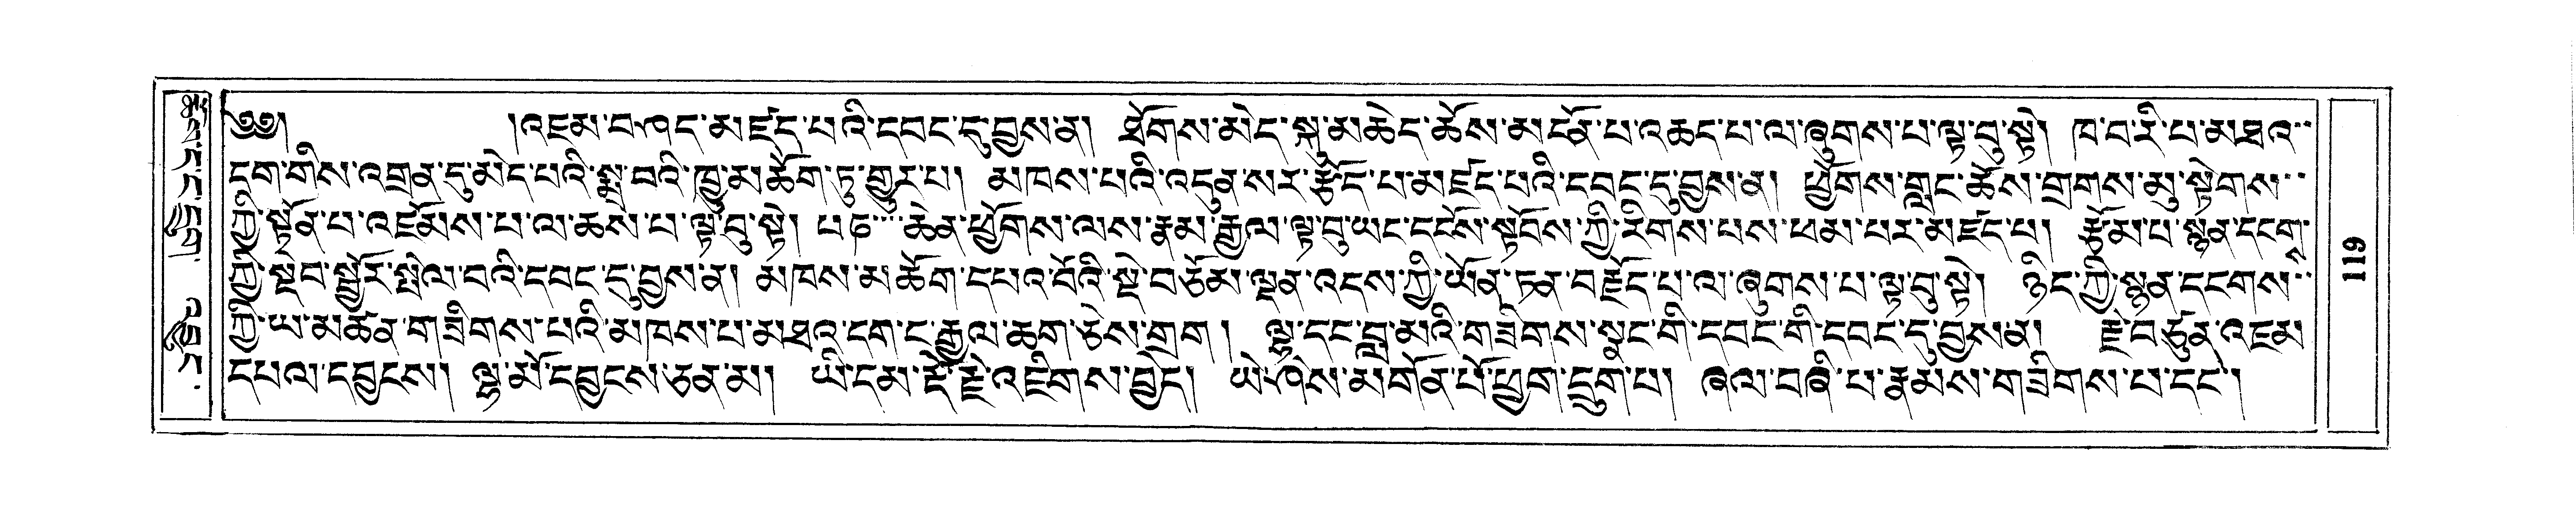༄༅། །འཇམ་བཤད་མཛད་པའི་དབང་དུ་བྱས་ན། ཐོགས་མེད་སྐུ་མཆེད་ཆོས་མངོན་པ་འཆད་པ་ལ་ཞུགས་པ་ལྟ་བུ་སྟེ། ཁ་བ་རི་པ་མཐའ་
དག་གིས་འགྲན་དུ་མེད་པའི་སྨྲ་བའི་ཁྱུ་མཆོག་ཏུ་གྱུར་པ། མཁས་པའི་འདུན་སར་རྩོད་པ་མཛད་པའི་དབང་དུ་བྱས་ན། ཕྱོགས་གླང་ཆོས་གྲགས་མུ་སྟེགས་
ཀྱི་སྟོན་པ་འཇོམས་པ་ལ་ཆས་པ་ལྟ་བུ་སྟེ། པཎ་ཆེན་ཕྱོགས་ལས་རྣམ་རྒྱལ་ལྟ་བུ་ཡང་དངོས་སྟོབས་ཀྱི་རིགས་པས་ཕམ་པར་མཛད་པ། རྩོམ་པ་སྙན་དངགས་
ཀྱི་སྡེབ་སྦྱོར་སྤེལ་བའི་དབང་དུ་བྱས་ན། མཁས་མཆོག་དཔའ་བོའི་སྡེ་བཅོམ་ལྡན་འདས་ཀྱི་ཡོན་ཏན་བརྗོད་པ་ལ་ཞུགས་པ་ལྟ་བུ་སྟེ། ཉིད་ཀྱི་སྙན་དངགས་
ཀྱི་ཡ་མཚན་གཟིགས་པའི་མཁས་པ་མཐའ་དག་ང་རྒྱལ་ཆག་ཅེས་གྲག། ལྷ་དང་བླ་མའི་གཟིགས་སྣང་གི་དབང་གི་དབང་དུ་བྱས་ན། རྗེ་བཙུན་འཇམ་
དཔལ་དབྱངས། ལྷ་མོ་དབྱངས་ཅན་མ། ཡི་དམ་རྡོ་རྗེ་འཇིགས་བྱེད། ཡེ་ཤེས་མགོན་པོ་ཕྱག་དྲུག་པ། ཞལ་བཞི་པ་རྣམས་གཟིགས་པ་དང་།